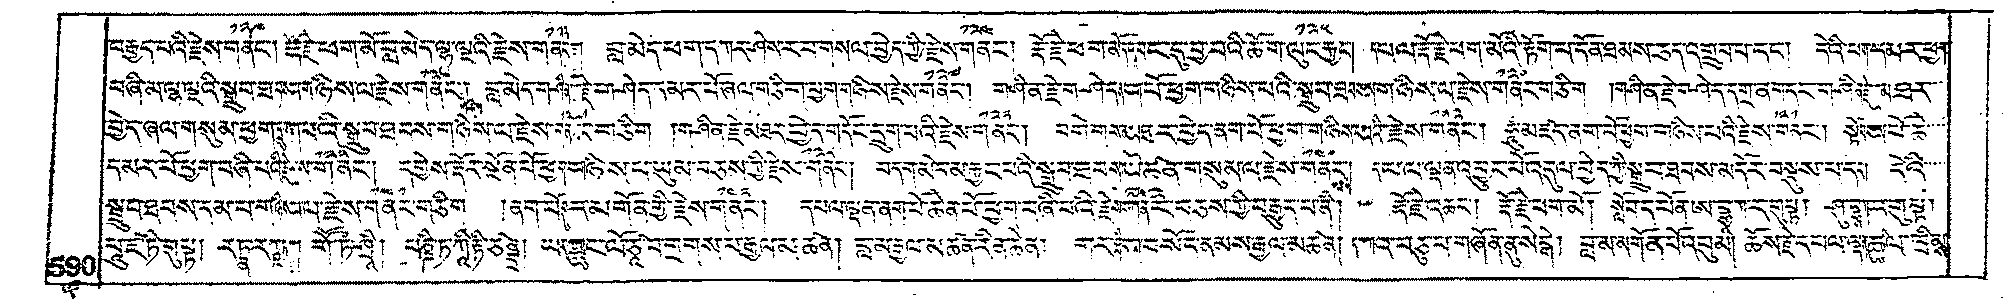བརྒྱད་པའི་རྗེས་གནང་། རྡོ་རྗེ་ཕག་མོ་བླ་མེད་ལྷ་ལྔའི་རྗེས་གནང་། བླ་མེད་ཕག་དཀར་ཤེས་རབ་གསལ་བྱེད་ཀྱི་རྗེས་གནང་། རྡོ་རྗེ་ཕག་མོ་དབང་དུ་བྱ་བའི་ཆོ་ག་ལུང་རྐྱང་། དཔལ་རྡོ་རྗེ་ཕག་མོའི་རྟོག་པ་དོན་ཐམས་ཅད་འགྲུབ་པ་དང་། དེའི་ཕག་དམར་ཕྱག་
བཞི་མ་ལྷ་ལྔའི་སྒྲུབ་ཐབས་གཉིས་ལ་རྗེས་གནང་གཅིག། བླ་མེད་གཤིན་རྗེ་གཤེད་དམར་པོ་ཞལ་གཅིག་ཕྱག་གཉིས་རྗེས་གནང་། གཤིན་རྗེ་གཤེད་ནག་པོ་ཕྱག་གཉིས་པའི་སྒྲུབ་ཐབས་གཉིས་ལ་རྗེས་གནང་གཅིག །གཤིན་རྗེ་གཤེད་དགྲ་ནག་དང་གཤིན་རྗེ་མཐར་
བྱེད་ཞལ་གསུམ་ཕྱག་དྲུག་པའི་སྒྲུབ་ཐབས་གཉིས་ལ་རྗེས་གནང་གཅིག །གཤིན་རྗེ་མཐར་བྱེད་གདོང་དྲུག་པའི་རྗེས་གནང་། བགེགས་མཐར་བྱེད་ནག་པོ་ཕྱག་གཉིས་པའི་རྗེས་གནང་། ཧཱུཾ་མཛད་ནག་པོ་ཕྱག་གཉིས་པའི་རྗེས་གནང་། སྟོབས་པོ་ཆེ་
དམར་པོ་ཕྱག་བཞི་པའི་རྗེས་གནང་། དགྱེས་རྡོར་སྔོན་པོ་ཕྱག་གཉིས་པ་ཡུམ་བཅས་ཀྱི་རྗེས་གནང་། བདག་མེད་མ་རྐྱང་པའི་སྒྲུབ་ཐབས་ལེ་ཚན་གསུམ་ལ་རྗེས་གནང་། དཔལ་ལྡན་འབྱུང་པོ་འདུལ་བྱེད་ཀྱི་སྒྲུབ་ཐབས་མདོར་བསྡུས་པ་དང་། དེའི་
སྒྲུབ་ཐབས་དམ་པ་གཉིས་ལ་རྗེས་གནང་གཅིག །ནག་པོ་གུར་མགོན་གྱི་རྗེས་གནང་། དཔལ་ལྡན་ནག་པོ་ཆེན་པོ་ཕྱག་བཞི་པའི་རྗེས་གནང་བཅས་ཀྱི་བརྒྱུད་པ་ནི། ༧་རྡོ་རྗེ་འཆང་། རྡོ་རྗེ་ཕག་མོ། སློབ་དཔོན་ཨ་བྷྱཱ་ཀ་ར་གུཔྟ། ཤུ་བྷཱ་ཀ་ར་གུཔྟ།
པཱུ་ཛ་ཏི་གུཔྟ། རཏྣ་རཀྵ་ཏ། གཽ་ཏཾ་ཤྲཱི། པཎྜི་ཏ་ཀཱི་རྟི་ཙནྡྲ། ཡར་ཀླུང་ལོ་ཙཱ་བ་གྲགས་པ་རྒྱལ་མཚན། བླ་མ་རྒྱལ་མཚན་རིན་ཆེན། གར་ཐིག་བསོད་ནམས་རྒྱལ་མཚན། དཀའ་བཅུ་པ་གཞོན་ནུ་སེངྒེ། བླ་མ་མགོན་པོ་འབུམ། ཆོས་རྗེ་དཔལ་ལྡན་ཚུལ་ཁྲིམས་